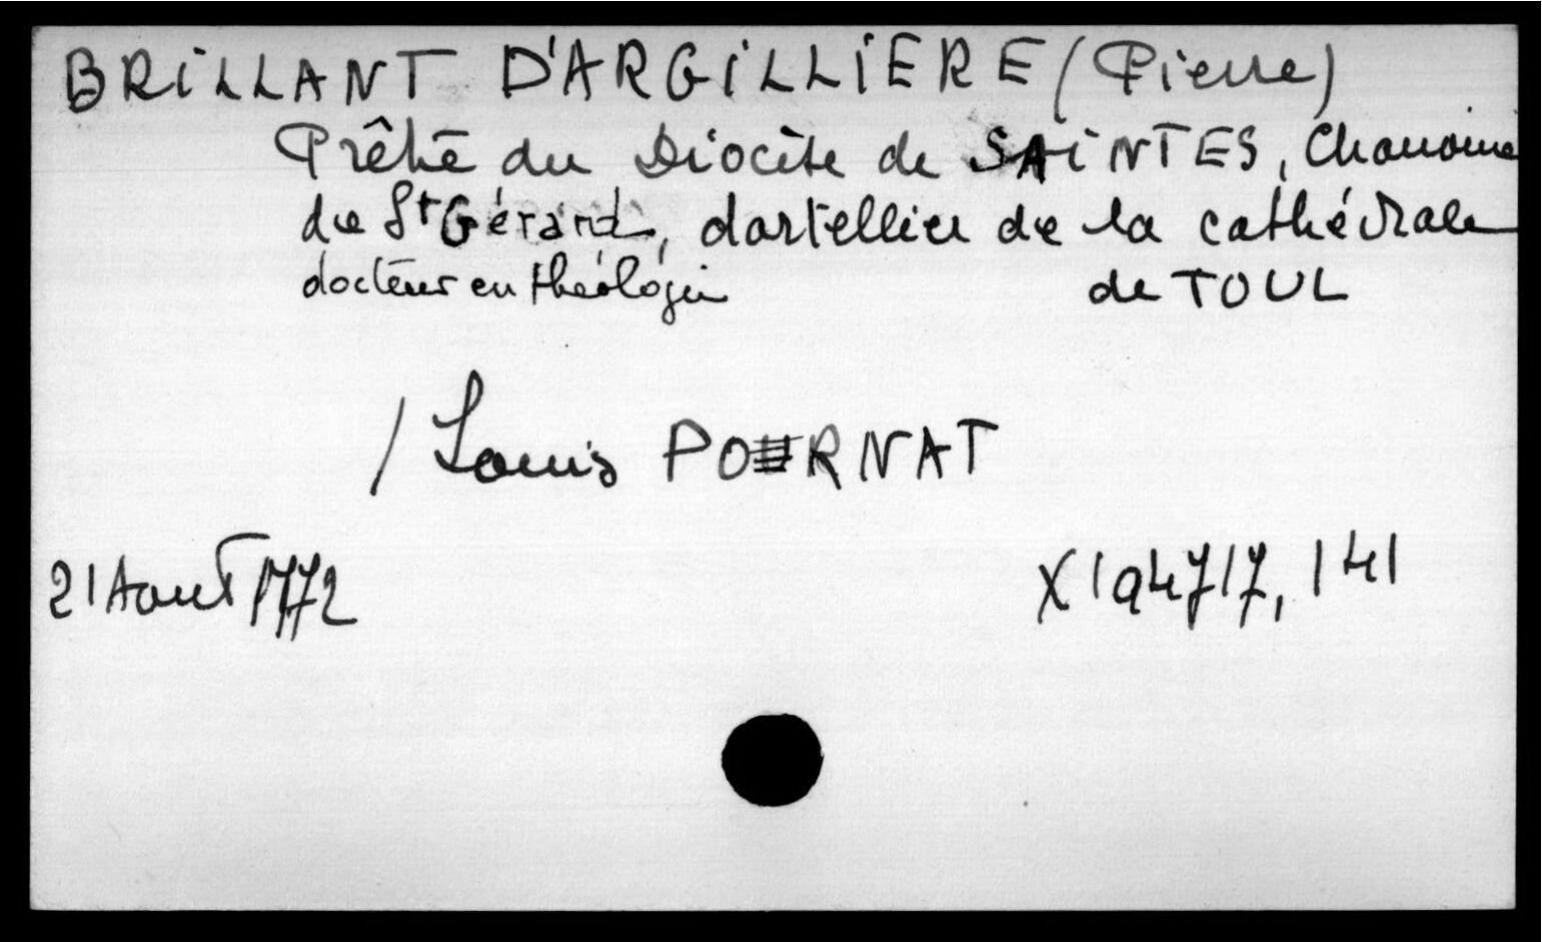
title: BRILLANT D'ARGILLIERE (Pierre) Prêté du Diocèse de SAINTES, chanoine de Saint-Gérard, dartellier de la cathédrale de TOUL docteur en théologie
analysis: Contre Louis PORNAT
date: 21 août 1772
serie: X1A
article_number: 4717
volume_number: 141
